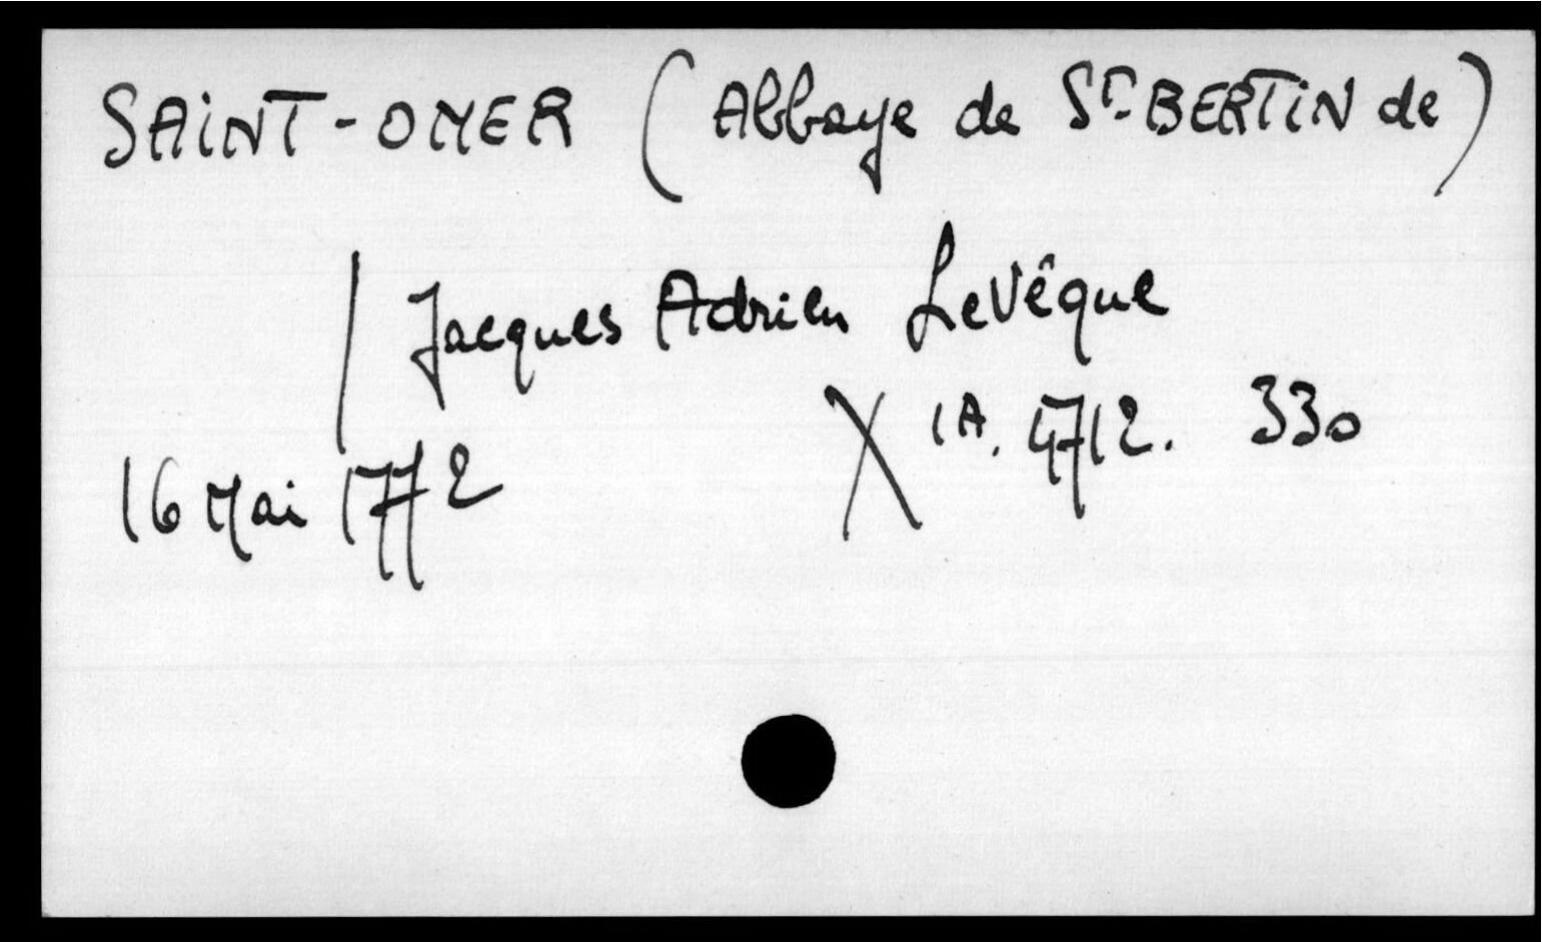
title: SAINT-OMER (Abbaye de SAINT-BERTIN de)
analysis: Contre Jacques Adrien Levèque
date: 16 mai 1772
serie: X1A
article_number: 4712
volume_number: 330
